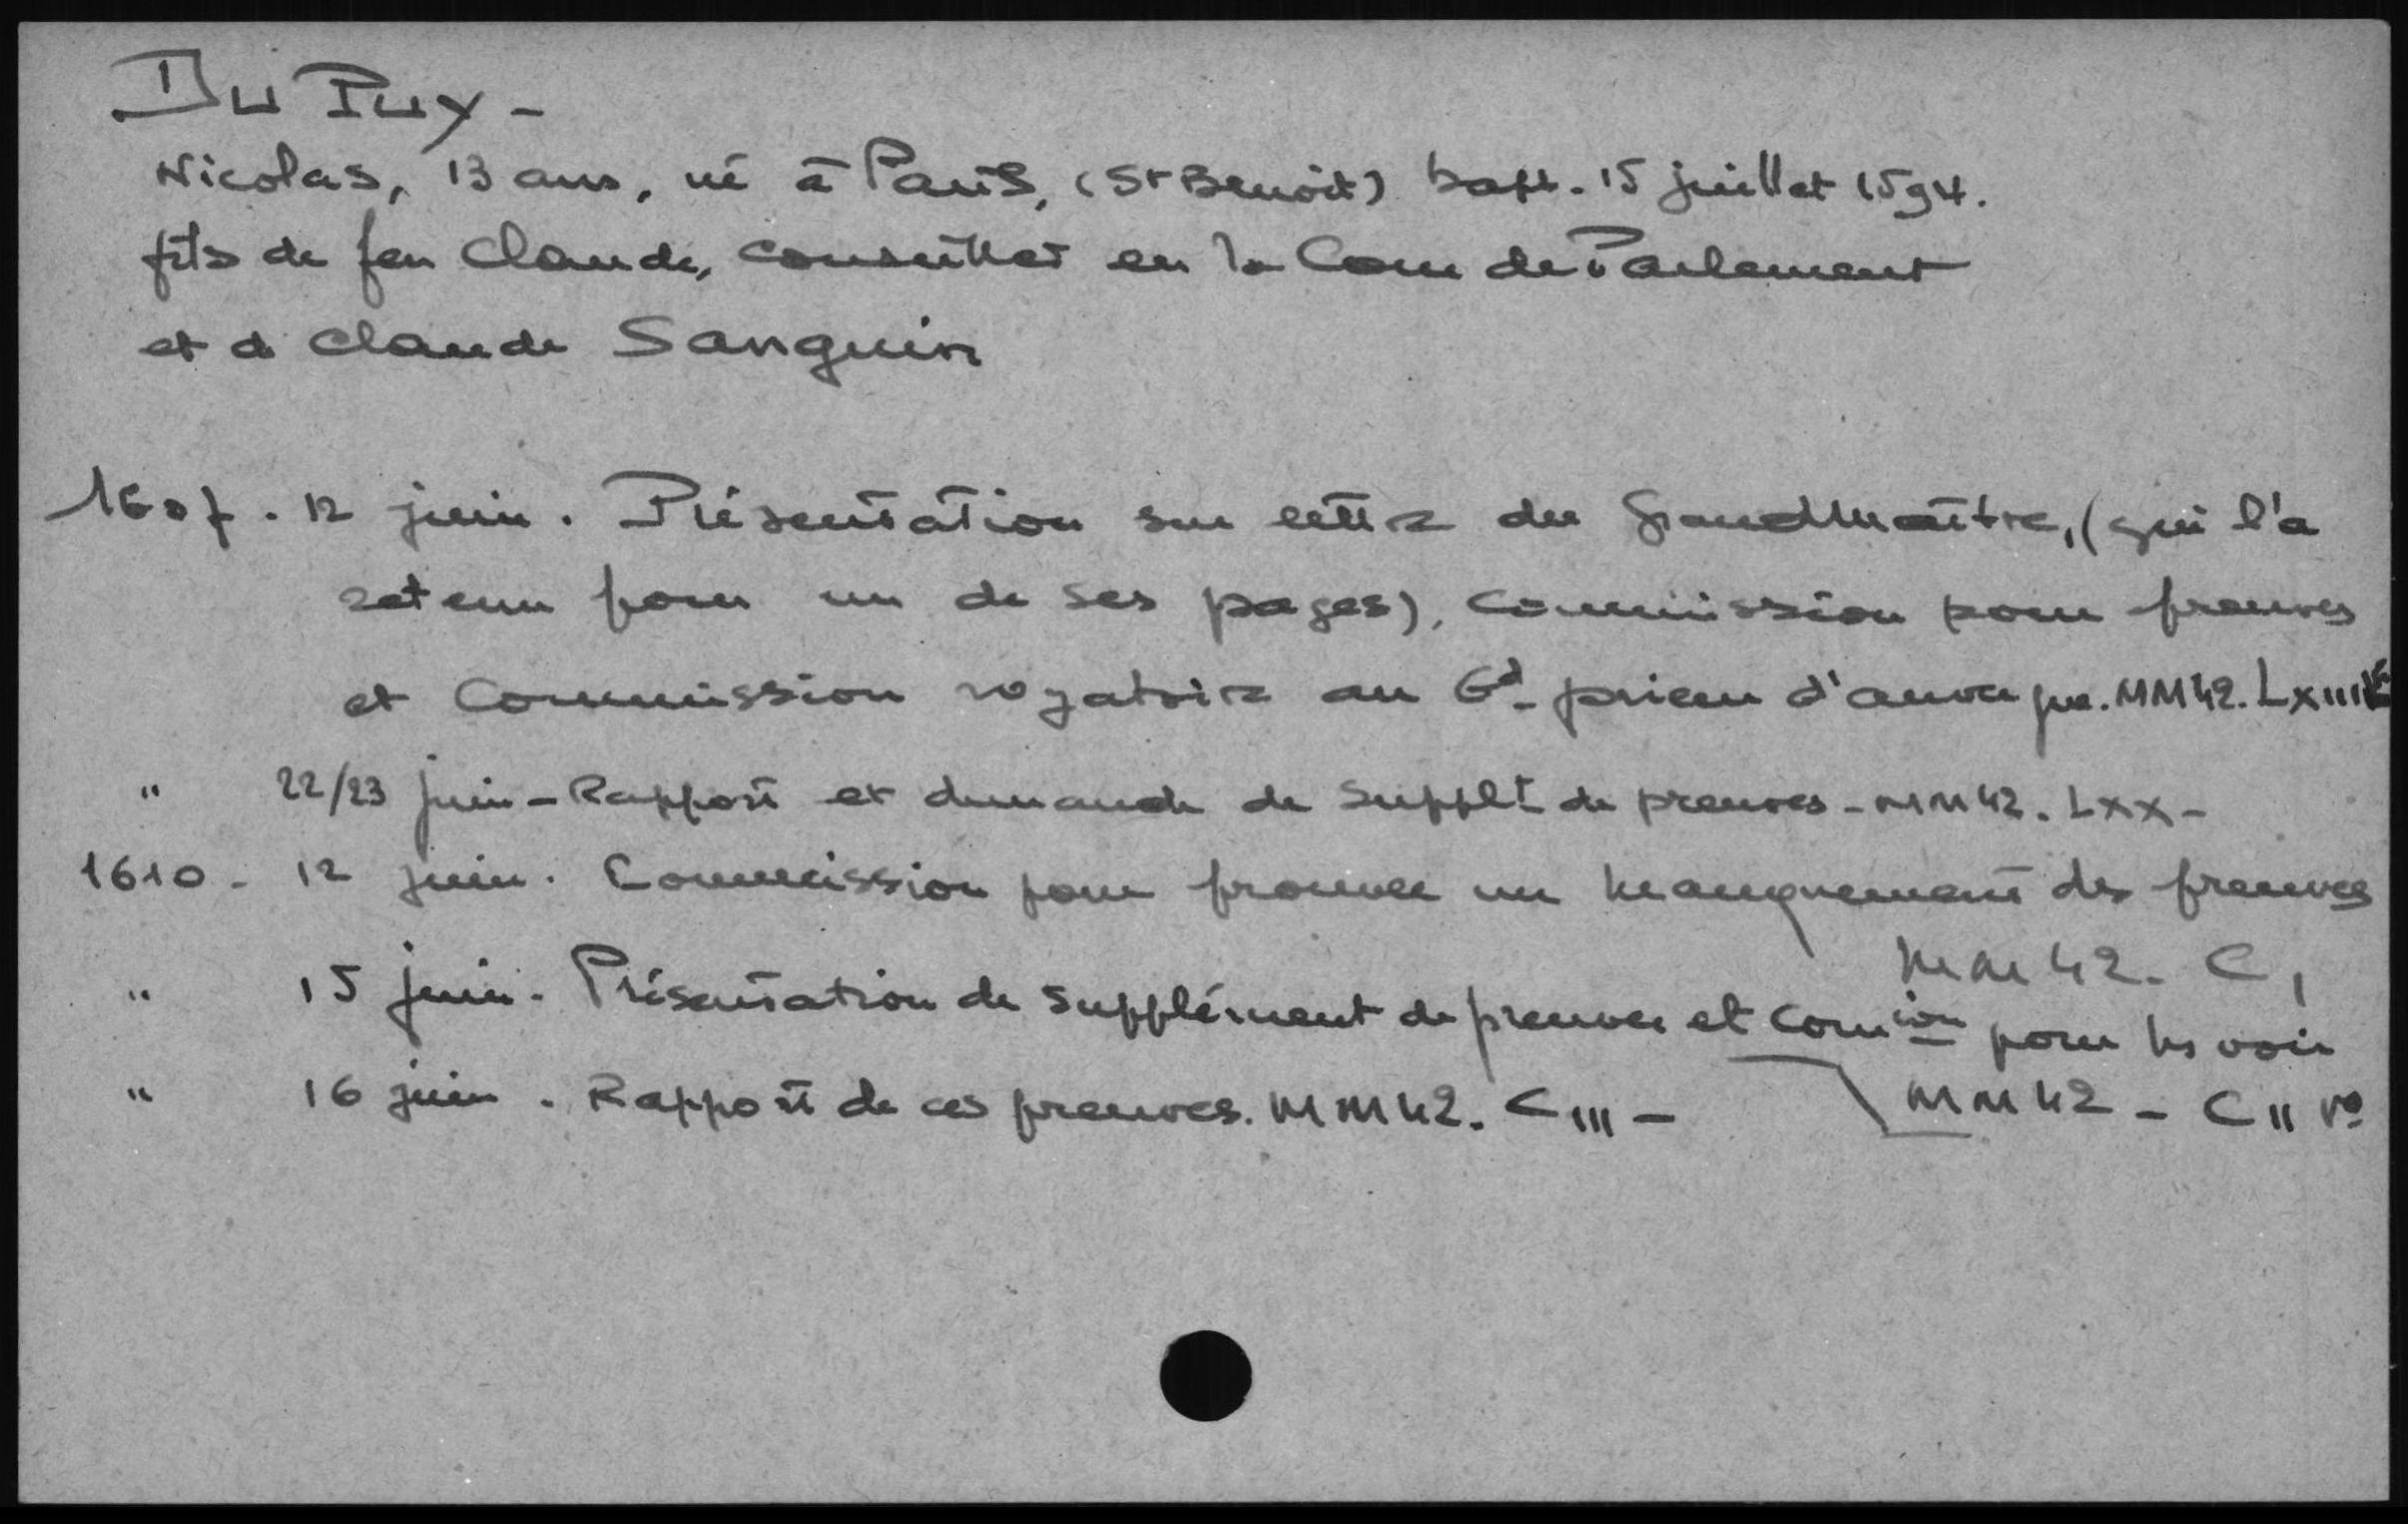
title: DU PUY, Nicolas, 13 ans, né à Paris (Saint Benoit) baptisé 15 juillet 1594, fils de feu Claude, conseiller en la Cour de Parlement et de Claude Sanguin
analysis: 1607, 12 juin. Présentation sur lettre du Grand Maître, (qui l'a retenu un de ses pages), commission pour preuves et commission rogatoire au Grand Prieur d'Auvergne. MM 42, LXIIIv " 22/23 juin. Rapport et demande de supplément de preuves. MM 42, LXX. 1610, 12 juin. Commission pour prouver un manquement des preuves. MM 42, C. " 15 juin. Présentation de supplément de preuves et commission pour les voir. MM 42, CIIv " 16 juin. Rapport de ces preuves. MM 42, CIIII.
